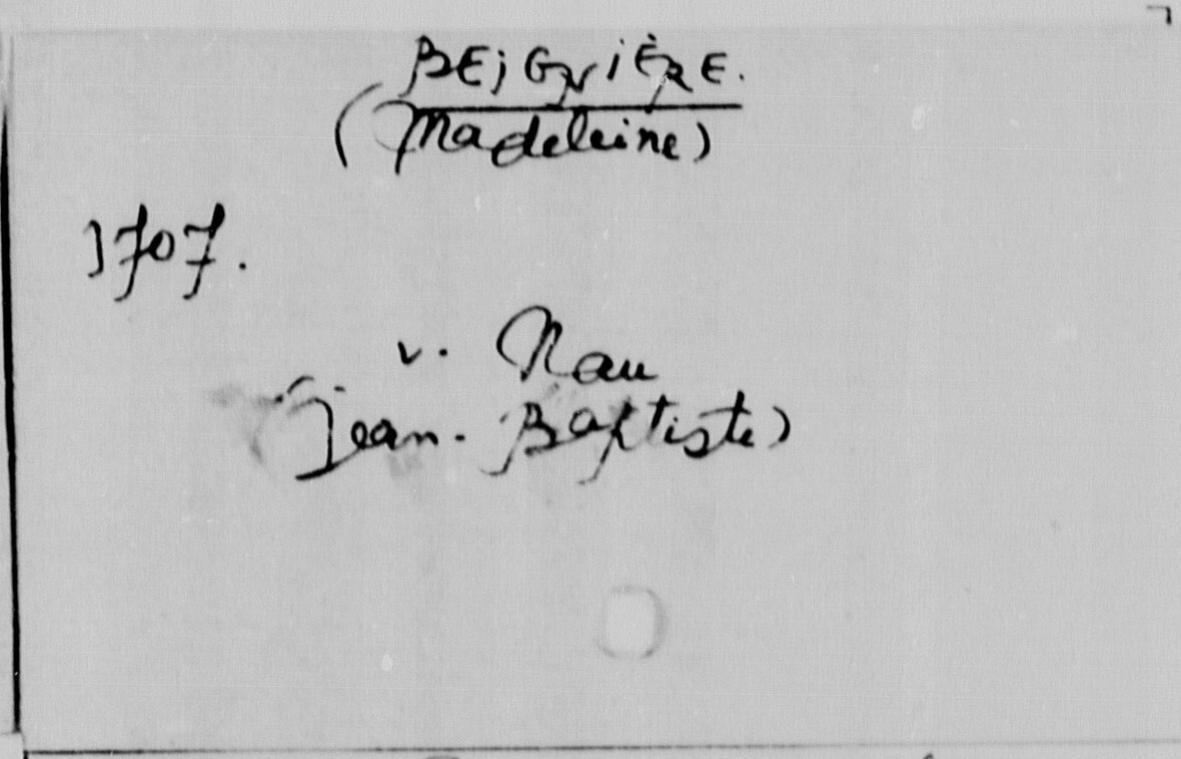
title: BEIGNIERE (Madeleine)
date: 1707
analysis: Voir Nau (Jean-Baptiste)
